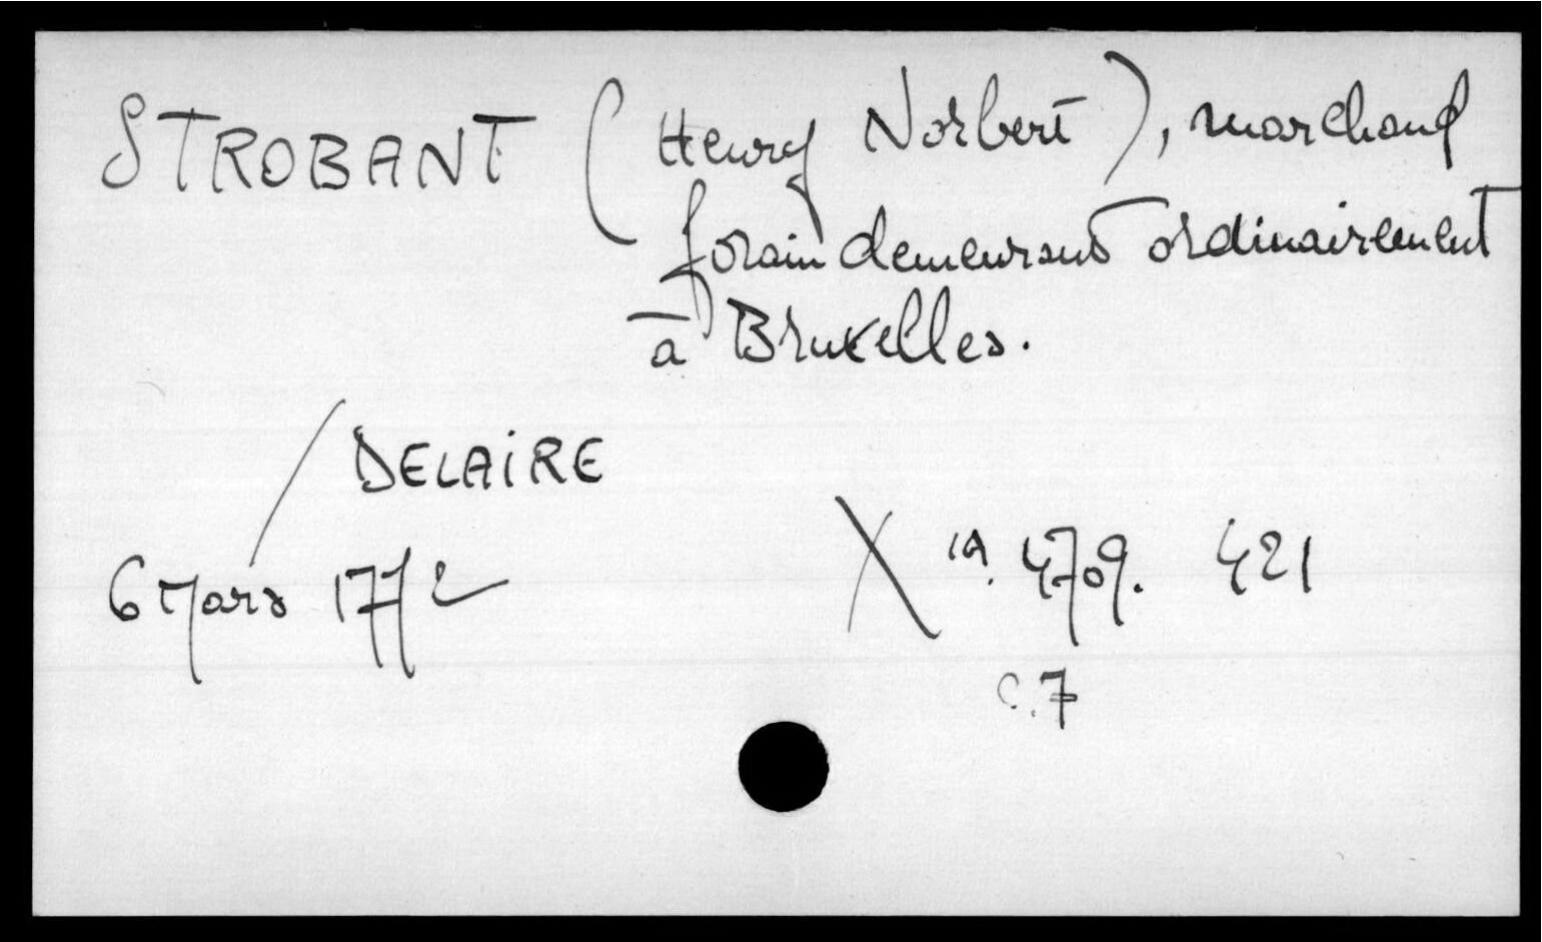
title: STROBANT (Henry Norbert), marchand forain demeurant ordinairement à Bruxelles.
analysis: Contre DELAIRE
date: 6 mars 1772
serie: X1A
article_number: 4709
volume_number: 421 Conseil 7
